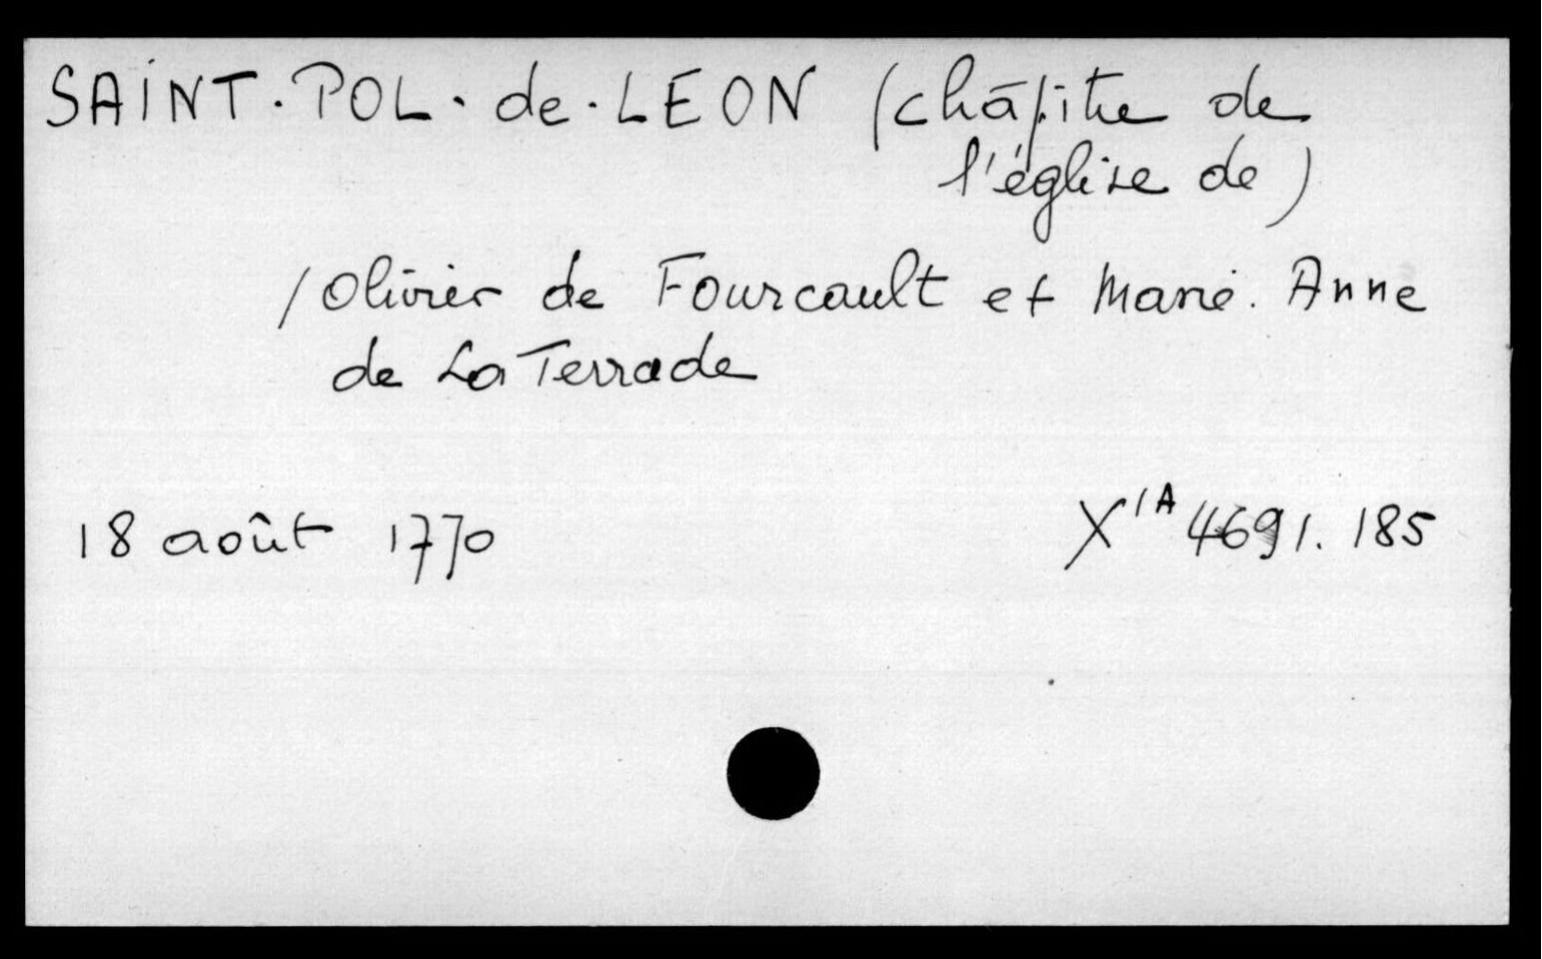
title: SAINT-POL-de-LEON (Chapitre de l'église de)
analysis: Contre Olivier de Fourcault et Marie-Anne de la Terrade
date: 18 août 1770
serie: X1A
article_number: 4691
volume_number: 185
